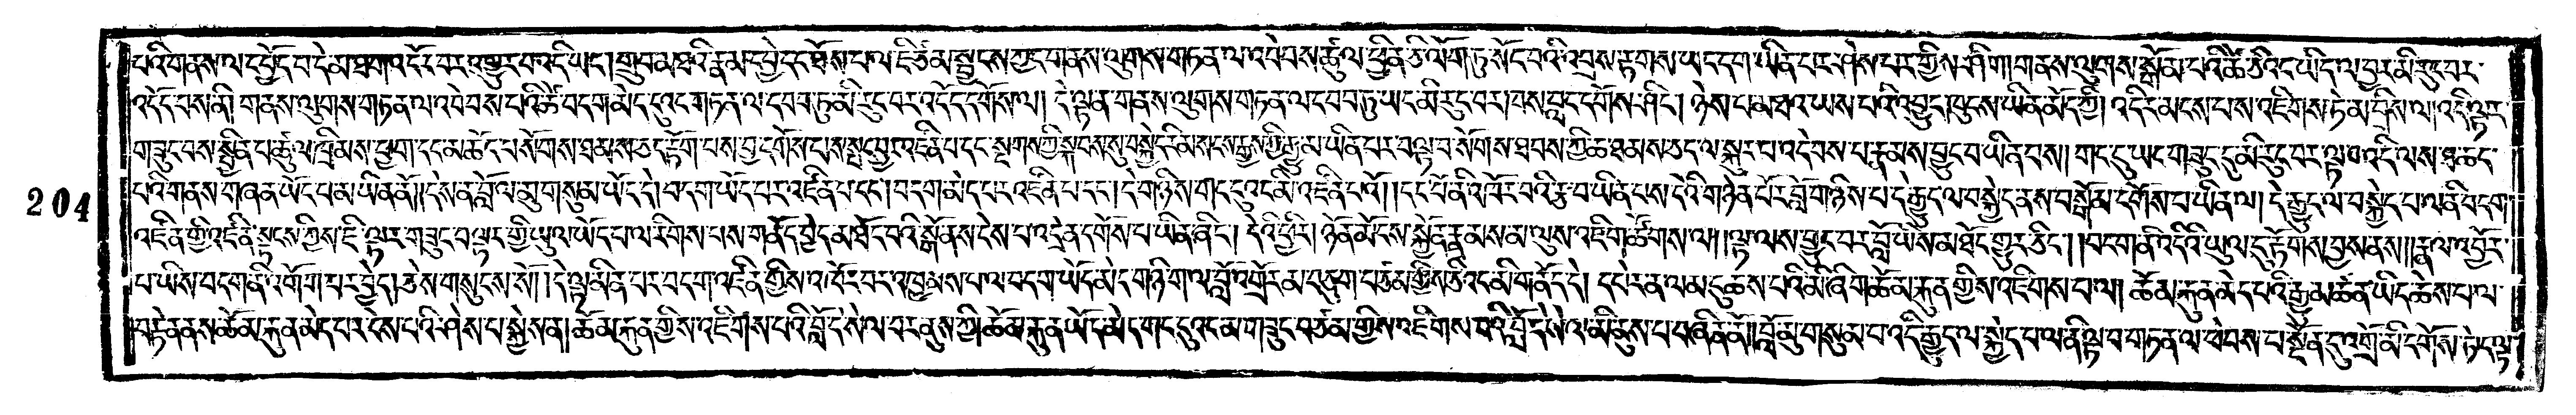པའི་གནས་ལ་དཔྱོད་པ་དེ་མ་ཐག་འདོར་བར་འགྱུར་བ་འདི་ཡང་། གྲུབ་མཐའི་རྣམ་དབྱེ་དང་ཐོས་པ་ལ་ཇི་ཙམ་སྦྱངས་ཀྱང་གནས་ལུགས་གཏན་ལ་འབེབས་ཚུལ་ཕྱིན་ཅི་ལོག་ཏུ་སོང་བའི་འབྲས་རྟགས་ཡང་དག་ཡིན་པར་ཤེས་པར་གྱིས་ཤིག་གནས་ལུགས་སྒོམ་པའི་ཚེ་ཅིའང་ཡིད་ལ་བྱར་མི་རུང་བར་
འདོད་བས་ནི། གནས་ལུགས་གཏན་ལ་འབེབས་པའི་ཚེ་བདག་མེད་དུའང་གཏན་ལ་དབབ་ཏུ་མི་རུང་བར་འདོད་དགོས་ལ། དེ་ལྟ་ན་གནས་ལུགས་གཏན་ལ་དབབ་ཏུ་ཡང་མི་རུང་བར་ཁས་བླང་དགོས་ཤིང་། ཉེས་པ་མཐའ་ཡས་བའི་འབྱུང་ཁུངས་ཡིན་མོད་ཀྱི། འདིར་མངས་པས་འཇིགས་ཏེ་མ་བྲིས་ལ། འདི་ལྟར་
གཟུང་བས་སྦྱིན་པ་ཚུལ་ཁྲིམས་ཕྱག་དང་མཆོད་པ་སོགས་ཐམས་ཅད་རྟོག་པས་བྱ་དགོས་པས་སྤང་བྱར་འཛིན་པ་དང་སྔགས་ཀྱི་སྐབས་སུ་བསྐྱེད་རིམ་སངས་རྒྱས་ཀྱི་རྒྱུ་མ་ཡིན་པར་བལྟ་བ་སོགས་ཐབས་ཀྱི་ཆ་ཐམས་ཅད་ལ་སྐུར་བ་འདེབས་པ་རྣམས་བྱུང་བ་ཡིན་བས། གང་དུ་ཡང་གཟུང་དུ་མི་རུང་བར་ལྟ་བ་འདི་ལས་ཐ་ཆད་
པའི་གནས་གཞན་ཡོང་པ་མ་ཡིན་ནོ། །དེས་ན་བློ་ལ་མུ་གསུམ་ཡོད་དེ། བདག་ཡོད་པར་འཛིན་བ་དང་། བདག་མེད་པར་འཛིན་པ་དང་། དེ་གཉིས་གང་དུའང་མི་འཛིན་པའོ། །དང་པོ་ནི་འཁོར་བའི་རྩ་བ་ཡིན་པས་དེའི་གཉེན་པོར་བློ་གཉིས་པ་དེ་རྒྱུད་ལ་བསྐྱེད་ནས་བསྒོམ་དགོས་པ་ཡིན་ལ། དེ་རྒྱུད་ལ་བསྐྱེད་པ་ལ་ནི་བདག་
འཛིན་གྱི་འཛིན་སྟངས་ཀྱིས་ཇི་ལྟར་གཟུང་བ་ལྟར་གྱི་ཡུལ་ཡོད་པ་ལ་རིགས་པས་གནོད་བྱེད་མཐོང་བའི་སྒོ་ནས་ངེས་པ་འདེན་དགོས་པ་ཡིན་ཞིང་། དེའི་ཕྱིར། ཉོན་མོངས་སྐྱོན་རྣམས་མ་ལུས་འཇིག་འཚོགས་ལ། །ལྟ་ལས་བྱུང་བར་བློ་ཡིས་མཐོང་གྱུར་ཅིང་། །བདག་ནི་འདིའི་ཡུལ་དུ་རྟོགས་བྱས་ནས། །རྣལ་འབྱོར་
པ་ཡིས་བདག་ནི་འགོག་པར་བྱེད། ཅེས་གསུངས་སོ། །དེ་ལྟ་མིན་པར་བདག་འཛིན་གྱིས་འཁོར་བར་འཁྱམས་པ་ལ་བདག་ཡོད་མེད་གཉི་ག་ལ་བློ་འགྲོར་མ་བཅུག་པ་ཙམ་གྱིས་ཅིའང་མི་གནོད་དེ། དཔེར་ན་ལམ་དུ་ཆས་པའི་མི་ཞིག་ཆོམ་རྐུན་གྱིས་འཇིགས་པ་ལ། ཆོམ་རྐུན་མེད་པའི་རྒྱུ་མཚན་ཡིད་ཆེས་པ་ལ་
བརྟེན་ནས་ཆོམ་རྐུན་མེད་པར་དེས་བའི་ཤེས་པ་སྐྱེས་ན། ཆོམ་རྐུན་གྱིས་འཇིགས་པའི་བློ་དེ་སེལ་བར་ནུས་ཀྱི། ཆོམ་རྐུན་ཡོད་མེད་གང་དུའང་མ་གཟུང་བ་ཙམ་གྱིས་འཛིགས་བའི་བློ་དེ་སེལ་?་མི་ནུས་པ་བཞིན་ནོ། །བློ་མུ་གསུམ་པ་འདི་རྒྱུད་ལ་སྐྱེད་པ་ལ་ནི་ལྟ་བ་གཏན་ལ་ཕེབས་པ་སྔོན་དུ་འགྲོ་མི་དགོས་ཏེ་ད་ལྟ་?